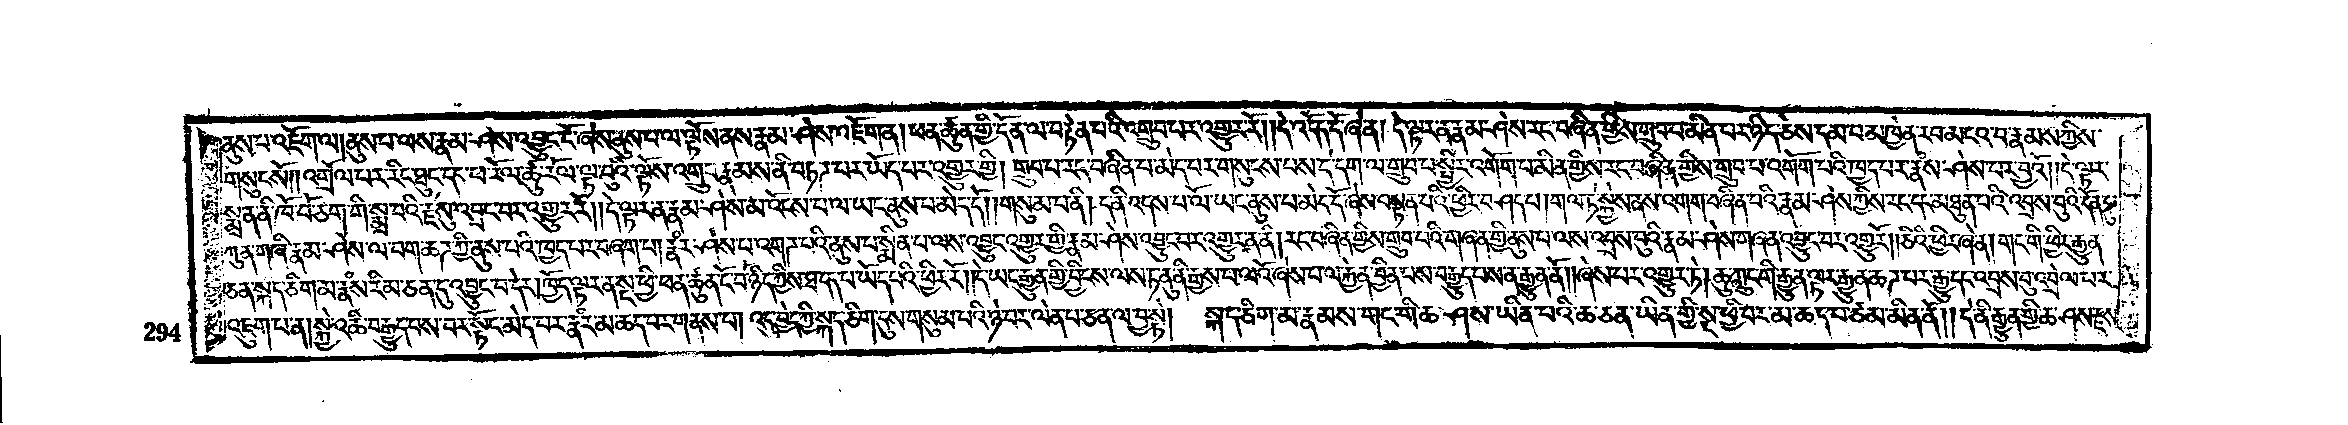ནུས་པ་འཇོག་ལ། ནུས་པ་ལས་རྣམ་ཤེས་འབྱུང་ངོ་ཞེས་ནུས་པ་ལ་ལྟོས་ནས་རྣམ་ཤེས་འཇོག་ན། ཕན་ཚུན་གྱི་དོན་ལ་བརྟེན་པའི་འགྲུབ་པར་འགྱུར་རོ། །དེ་འདོད་དོ་ཞེ་ན། དེ་ལྟར་ན་རྣམ་ཤེས་རང་བཞིན་གྱིས་གྲུབ་པ་མིན་པར་ཉིད་ཅེས་དམ་པ་མཁྱེན་རབ་མངའ་བ་རྣམས་ཀྱིས་
གསུང་སོ། །འགྲེལ་པར་རིང་ཐུང་དང་ཕ་རོལ་ཚུ་རོལ་ལྟ་བུའི་ལྟོས་འགྲུབ་རྣམས་ནི་བཏགས་པར་ཡོད་པར་འགྱུར་གྱི། གྲུབ་པ་རང་བཞིན་པ་མེད་པར་གསུངས་པས་དེ་དག་ལ་གྲུབ་པ་སྤྱིར་འགོག་པ་མིན་གྱིས་རང་བཞིན་གྱིས་གྲུབ་པ་འགོག་པའི་ཁྱད་པར་རྣམས་ཤེས་པར་བྱའོ། །དེ་ལྟར་
སྨྲ་ན་ནི་ཁོ་བོ་ཅག་གི་སྨྲ་བའི་རྗེས་སུ་འབྲང་བར་འགྱུར་རོ། །དེ་ལྟར་ན་རྣམ་ཤེས་མ་འོངས་པ་ལ་ཡང་ནུས་པ་མེད་དོ། །གསུམ་པ་ནི། ད་ནི་འདས་པ་ལ་ཡང་ནུས་པ་མེད་དོ་ཞེས་བསྟན་པའི་ཕྱིར་བཤད་པ། གལ་ཏེ་སྐྱེས་ནས་འགག་བཞིན་པའི་རྣམ་ཤེས་ཀྱིས་རང་དང་མཐུན་པའི་འབྲས་བུའི་དོན་དུ།
ཀུན་གཞི་རྣམ་ཤེས་ལ་བག་ཆགས་ཀྱི་ནུས་པའི་ཁྱད་པར་བཞག་པ། རྣམ་པར་ཤེས་པ་འགགས་པའི་ནུས་པ་སྨིན་པ་ལས་འབྱུང་འགྱུར་གྱི་རྣམ་ཤེས་འབྱུང་བར་འགྱུར་ན་ནི། རང་བཞིན་གྱིས་གྲུབ་པའི་གཞན་གྱི་ནུས་པ་ལས་འབྲས་བུའི་རྣམ་ཤེས་གཞན་འབྱུང་བར་འགྱུར་རོ། །ཅིའི་ཕྱིར་ཞེ་ན། གང་གི་ཕྱིར་རྒྱུན་
ཅན་སྐད་ཅིག་མ་རྣམས་རིམ་ཅན་དུ་འབྱུང་བ་དེར། ཁྱོད་ལྟར་ན་སྔ་ཕྱི་ཕན་ཚུན་ངོ་བོ་ཉིད་ཀྱིས་ཐ་དད་པ་ཡོད་པའི་ཕྱིར་རོ། །དེ་ཡང་རྒྱུན་གྱི་བྱིངས་ལས་ཏ་ནུ་ནི་རྒྱས་པ་ལའོ་ཞེས་པ་ལ་རྐྱེན་བྱིན་པས་བརྒྱུད་པས་ན་རྒྱུན་ནོ། །ཞེས་པར་འགྱུར་ཏེ། ཆུ་ཀླུང་གི་རྒྱུན་ལྟར་རྒྱུན་ཆགས་པར་རྒྱུ་དང་འབྲས་བུ་འབྲེལ་པར་
འཇུག་པ་ན། སྐྱེ་འཆི་བརྒྱུད་པས་བར་སྟོང་མེད་པར་རྣམས་པར་མ་ཆད་པར་གནས་པ། འདུ་བྱེད་ཀྱི་སྐད་ཅིག་དུས་གསུམ་པའི་ཉེ་བར་ལེན་པ་ཅན་ལ་བྱ་སྟེ། སྐད་ཅིག་མ་རྣམས་གང་གི་ཆ་ཤས་ཡིན་པའི་ཆ་ཅན་ཡིན་གྱི་སྔ་ཕྱི་བར་མ་ཆད་པ་ཙམ་མིན་ནོ། །དེ་ནི་རྒྱུན་ཀྱི་ཆ་ཤས་རྫས་